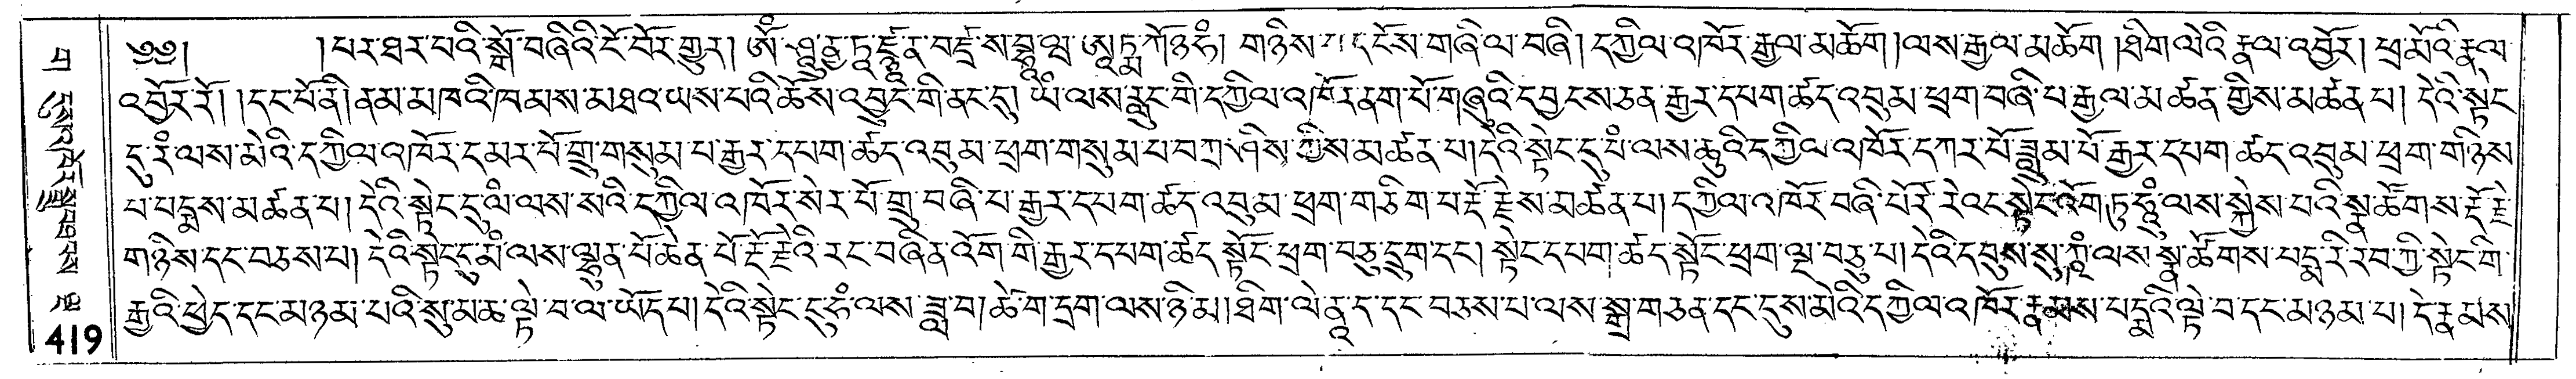༄༅། །པར་ཐར་པའི་སྒོ་བཞིའི་ངོ་བོར་གྱུར། ཨོཾ་ཤཱུ་ནྱ་ཏཱ་ཛྙཱ་ན་བཛྲ་ས་བྷཱ་ཝ་ཨཱཏྨ་ཀོཉྷཾ། གཉིས་པ་དངོས་གཞི་ལ་བཞི། དཀྱིལ་འཁོར་རྒྱལ་མཆོག །ལས་རྒྱལ་མཆོག །ཐིག་ལེའི་རྣལ་འབྱོར། ཕྲ་མོའི་རྣལ་
འབྱོར་རོ། །དང་པོ་ནི། ནམ་མཁའི་ཁམས་མཐའ་ཡས་པའི་ཆོས་འབྱུང་གི་ནང་དུ། ཡཾ་ལས་རླུང་གི་དཀྱིལ་འཁོར་ནག་པོ་གཞུའི་དབྱངས་ཅན་རྒྱར་དཔག་ཚད་འབུམ་ཕྲག་བཞི་པ་རྒྱལ་མཚན་གྱིས་མཚན་པ། དེའི་སྟེང་
དུ་རཾ་ལས་མེའི་དཀྱིལ་འཁོར་དམར་པོ་གྲུ་གསུམ་པ་རྒྱར་དཔག་ཚད་འབུམ་ཕྲག་གསུམ་པ་བཀྲ་ཤིས་ཀྱིས་མཚན་པ། དེའི་སྟེང་དུ་པཾ་ལས་ཆུའི་དཀྱིལ་འཁོར་དཀར་པོ་ཟླུམ་པོ་རྒྱར་དཔག་ཚད་འབུམ་ཕྲག་གཉིས་
པ་པདམས་མཚན་པ། དེའི་སྟེང་དུ་ལཾ་ལས་སའི་དཀྱིལ་འཁོར་སེར་པོ་གྲུ་བཞི་པ་རྒྱར་དཔག་ཚད་འབུམ་ཕྲག་གཅིག་པ་རྡོ་རྗེས་མཚན་པ། དཀྱིལ་འཁོར་བཞི་པོ་རེ་རེའང་སྟེང་འོག་ཏུ་ཧཱུཾ་ལས་སྐྱེས་པའི་སྣ་ཚོགས་རྡོ་རྗེ་
གཉིས་དང་བཅས་པ། དེའི་སྟེང་དུ་མཾ་ལས་ལྷུན་པོ་ཆེན་པོ་རྡོ་རྗེའི་རང་བཞིན་འོག་གི་རྒྱར་དཔག་ཚད་སྟོང་ཕྲག་བཅུ་དྲུག་དང་། སྟེང་དཔག་ཚད་སྟོང་ཕྲག་ལྔ་བཅུ་པ། དེའི་དབུས་སུ་ཀྵཾ་ལས་སྣ་ཚོགས་པདམ་རི་རབ་ཀྱི་སྟེང་གི་
རྒྱའི་ཕྱེད་དང་མཉམ་པའི་སུ་མ་ཆ་ལྟེ་བ་ལ་ཡོད་པ། དེའི་སྟེང་དུ་ཧཾ་ལས་ཟླ་བ། ཚེ་ག་དྲག་ལས་ཉི་མ། ཐིག་ལེ་ནཱ་ད་དང་བཅས་པ་ལས་སྒྲ་གཅན་དང་དུས་མེའི་དཀྱིལ་འཁོར་རྣམས་པདམའི་ལྟེ་བ་དང་མཉམ་པ། དེ་རྣམས་